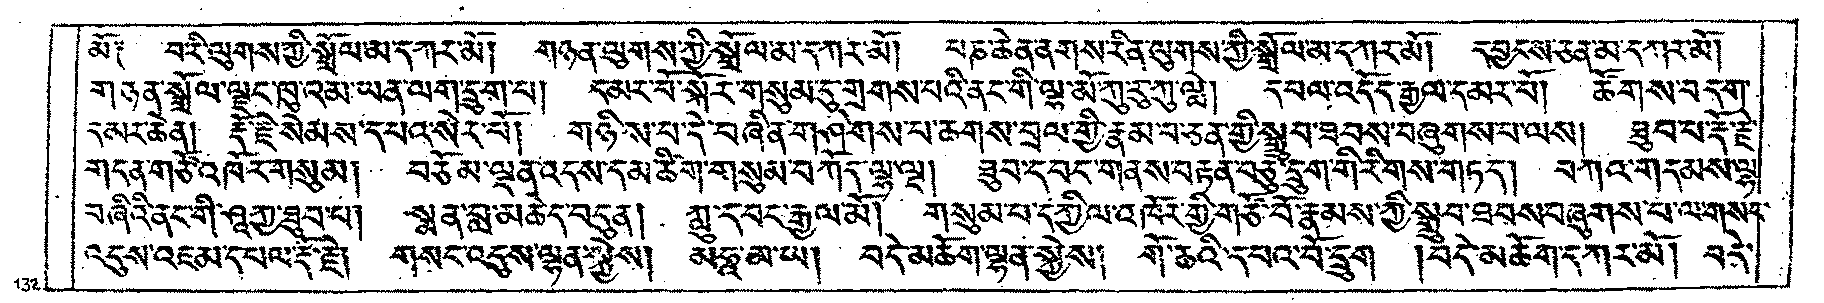མོ༑ བ་རི་ལུགས་ཀྱི་སྒྲོལ་མ་དཀར་མོ། གཉན་ལུགས་ཀྱི་སྒྲོལ་མ་དཀར་མོ། པཎ་ཆེན་ནགས་རིན་ལུགས་ཀྱི་སྒྲོལ་མ་དཀར་མོ། དབྱངས་ཅན་མ་དཀར་མོ།
གཉན་སྒྲོལ་ལྗང་ཁུ་འམ་ཡན་ལག་དྲུག་པ། དམར་པོ་སྐོར་གསུམ་དུ་གྲགས་པའི་ནང་གི་ལྷ་མོ་ཀུ་རུ་ཀུ་ལླེ། དཔལ་འདོད་རྒྱལ་དམར་པོ། ཚོགས་བདག་
དམར་ཆེན། རྡོ་རྗེ་སེམས་དཔའ་སེར་པོ། གཉིས་པ་དེ་བཞིན་གཤེགས་པ་ཆགས་བྲལ་གྱི་རྣམ་པ་ཅན་གྱི་སྒྲུབ་ཐབས་བཞུགས་པ་ལས། ཐུབ་པ་རྡོ་རྗེ་
གདན་གཙོ་འཁོར་གསུམ། བཅོམ་ལྡན་འདས་དམ་ཚིག་གསུམ་བཀོད་ལྷ་ལྔ། ཐུབ་དབང་གནས་བརྟན་བཅུ་དྲུག་གི་རིགས་གཏད། བཀའ་གདམས་ལྷ་
བཞིའི་ནང་གི་ཤཱཀྱ་ཐུབ་པ། སྨན་བླ་མཆེད་བདུན། ཀླུ་དབང་རྒྱལ་མོ། གསུམ་པ་དཀྱིལ་འཁོར་གྱི་གཙོ་བོ་རྣམས་ཀྱི་སྒྲུབ་ཐབས་བཞུགས་པ་ལ་གསང་
འདུས་འཇམ་དཔལ་རྡོ་རྗེ། གསང་འདུས་ལྷན་སྐྱེས། མཧཱ་མ་ཡ། བདེ་མཆོག་ལྷན་སྐྱེས། གོ་ཆའི་དཔའ་བོ་དྲུག །བདེ་མཆོག་དཀར་མོ། བདེ་